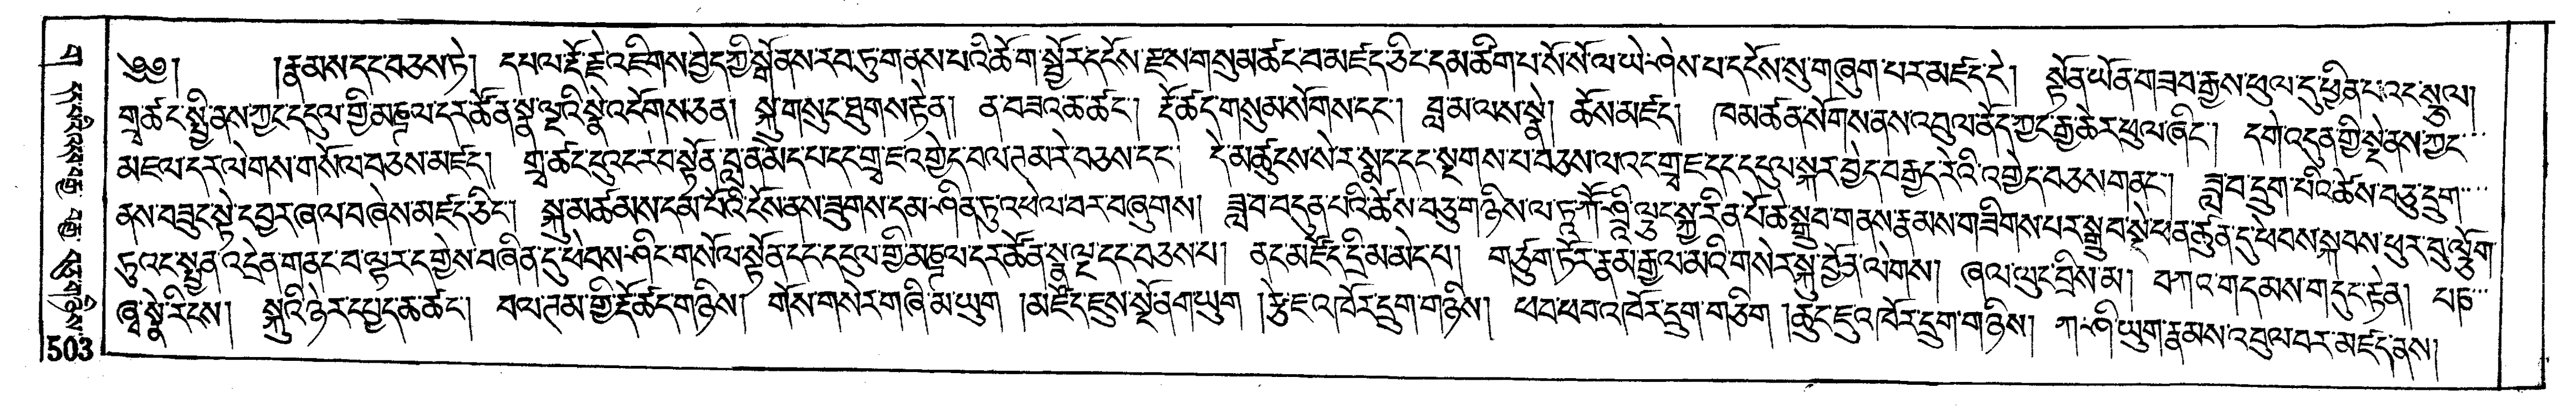༄༅། །རྣམས་དང་བཅས་ཏེ། དཔལ་རྡོ་རྗེ་འཇིགས་བྱེད་ཀྱི་སྒོ་ནས་རབ་ཏུ་གནས་པའི་ཆོ་ག་སྦྱོར་དངོས་རྗེས་གསུམ་ཚང་བ་མཛད་ཅིང་དམ་ཚིག་པ་སོ་སོ་ལ་ཡེ་ཤེས་པ་དངོས་སུ་གཞུག་པར་མཛད་དེ། སྟོན་ཡོན་གཟབ་རྒྱས་ཕུལ་དུ་ཕྱིན་པའང་སྩལ།
གྲྭ་ཚང་སྤྱི་ནས་ཀྱང་དངུལ་གྱི་མཎྜལ་དར་ཚོན་སྣ་ལྔའི་སྣེ་འདོགས་ཅན། སྐུ་གསུང་ཐུགས་རྟེན། ན་བཟའ་ཆ་ཚང་། རྡོ་ཚད་གསུམ་སོགས་དང་། བླ་མ་ལས་སྣེ། ཆོས་མཛད། ཁམ་ཚན་སོགས་ནས་འབུལ་ནོད་ཀྱང་རྒྱ་ཆེར་ཕུལ་ཞིང་། དགེ་འདུན་གྱི་སྡེ་ནས་ཀྱང་
མཇལ་དར་ལེགས་གསོལ་བཅས་མཛད། གྲྭ་ཚང་དུའང་རབ་སྟོན་བླ་ན་མེད་པ་དང་གྲྭ་ཇ་འགྱེད་བལ་ཊམ་རེ་བཅས་དང་། དེ་མཚུངས་སེར་སྨད་དང་སྔགས་པ་བཅས་ལའང་གྲྭ་ཇ་དང་དངུལ་སྐར་ཕྱེད་བརྒྱད་རེའི་འགྱེད་བཅས་གནང་། ཟླ་བ་དྲུག་པའི་ཚེས་བཅུ་དྲུག་
ནས་བཟུང་སྟེ་དབྱར་ཞལ་བཞེས་མཛད་ཅིང་། སྐུ་མཚམས་དམ་པོའི་ངོས་ནས་ཐུགས་དམ་ཤིན་ཏུ་འཕེལ་བར་བཞུགས། ཟླ་བ་བདུན་པའི་ཚེས་བཅུ་གཉིས་ལ་ཏཱ་ཀཽ་ཤྲཱི་ལྕང་སྐྱ་རིན་པོ་ཆེ་སྒྲུབ་གནས་རྣམས་གཟིགས་པར་སྒྲུབ་སྡེ་ཕན་ཚུན་དུ་ཕེབས་སྐབས་ཕུར་བུ་ལྕོག་
ཏུའང་སྤྱན་འདྲེན་གནང་བ་ལྟར་དགྱེས་བཞིན་དུ་ཕེབས་ཤིང་གསོལ་སྟོན་དང་དངུལ་གྱི་མཎྜལ་དར་ཚོན་སྣ་ལྔ་དང་བཅས་པ། ནང་མཛོད་དྲི་མ་མེད་པ། གཙུག་ཏོར་རྣམ་རྒྱལ་མའི་གསེར་སྐུ་བྱོན་ལེགས། ཞལ་ལུང་བྲིས་མ། བཀའ་གདམས་གདུང་རྟེན། པཎ་
ཞྭ་སྣེ་རིངས། སྐུའི་ཉེར་དཔྱད་ཆ་ཚང་། བལ་ཊམ་གྱི་རྡོ་ཚད་གཉིས། གོས་གསེར་གཞི་མ་ཡུག །མཛོད་ཇུས་སྔོ་ནག་ཡུག །རྩེ་ཇ་འཁོར་དྲུག་གཉིས། ཕབ་ཕབ་འཁོར་དྲུག་གཅིག །ཆུང་ཇུ་འཁོར་དྲུག་གཉིས། ཀ་ཤི་ཡུག་རྣམས་འབུལ་བར་མཛད་ནས།